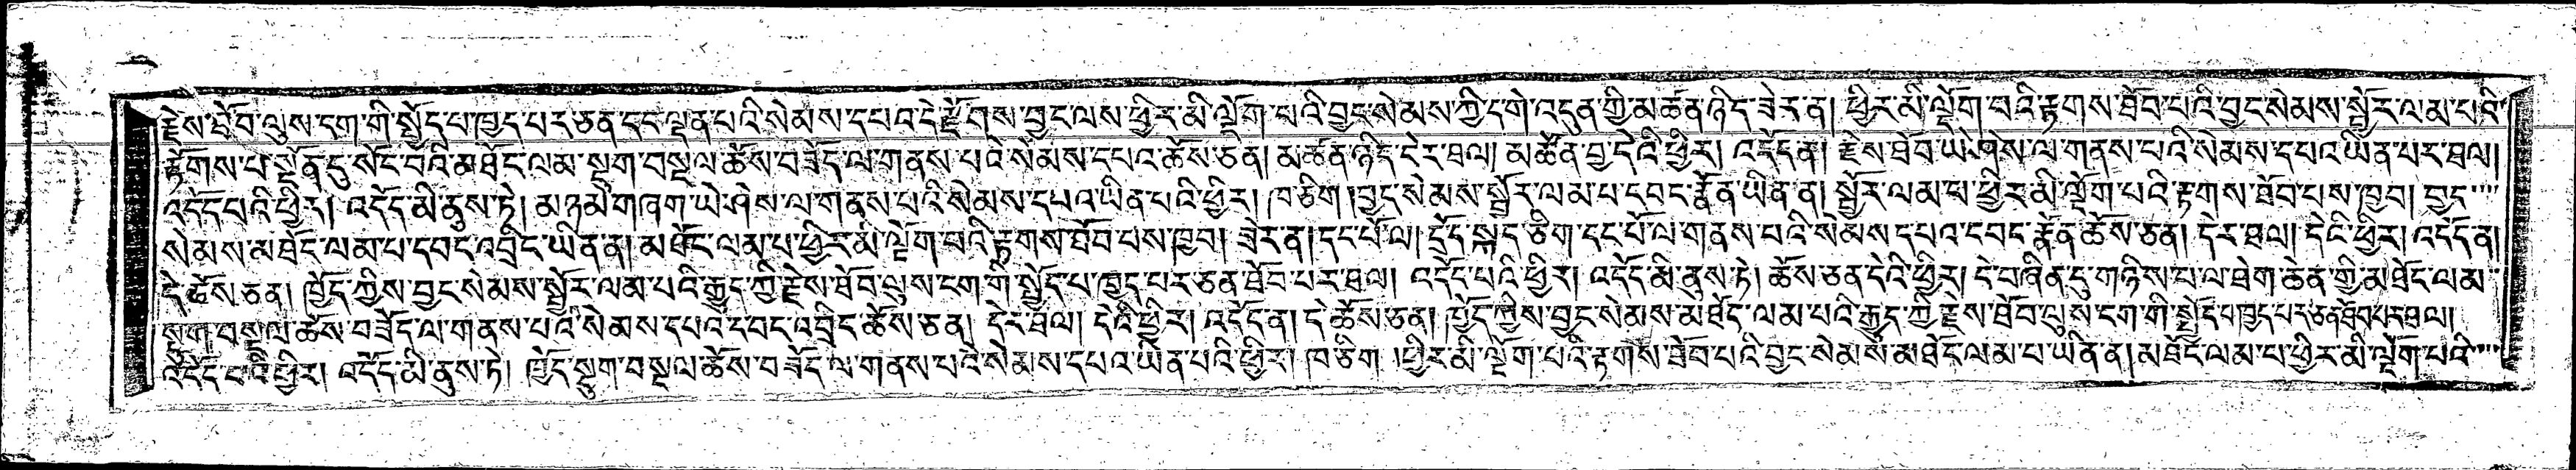རྗེས་ཐོབ་ལུས་ངག་གི་སྤྱོད་པ་ཁྱད་པར་ཅན་དང་ལྡན་པའི་སེམས་དཔའ་དེ་རྫོགས་བྱང་ལས་ཕྱིར་མི་ལྡོག་པའི་བྱང་སེམས་ཀྱི་དགེ་འདུན་གྱི་མཚན་ཉིད་ཟེར་ན། ཕྱིར་མི་ལྡོག་པའི་རྟགས་ཐོབ་པའི་བྱང་སེམས་སྦྱོར་ལམ་པའི་
རྟོགས་པ་སྔོན་དུ་སོང་བའི་མཐོང་ལམ་སྡུག་བསྔལ་ཆོས་བཟོད་ལ་གནས་པའི་སེམས་དཔའ་ཆོས་ཅན། མཚན་ཉིད་དེར་ཐལ། མཚོན་བྱ་དེའི་ཕྱིར། འདོད་ན། རྗེས་ཐོབ་ཡེ་ཤེས་ལ་གནས་པའི་སེམས་དཔའ་ཡིན་པར་ཐལ།
འདོད་པའི་ཕྱིར། འདོད་མི་ནུས་ཏེ། མཉམ་གཞག་ཡེ་ཤེས་ལ་གནས་པའི་སེམས་དཔའ་ཡིན་པའི་ཕྱིར། ཁ་ཅིག །བྱང་སེམས་སྦྱོར་ལམ་པ་དབང་རྣོན་ཡིན་ན། སྦྱོར་ལམ་པ་ཕྱིར་མི་ལྡོག་པའི་རྟགས་ཐོབ་པས་ཁྱབ། བྱང་
སེམས་མཐོང་ལམ་པ་དབང་འབྲིང་ཡིན་ན། མཐོང་ལམ་པ་ཕྱིར་མི་ལྡོག་པའི་རྟགས་ཐོབ་པས་ཁྱབ། ཟེར་ན། དང་པོ་ལ། དྲོད་སྐད་ཅིག་དང་པོ་ལ་གནས་པའི་སེམས་དཔའ་དབང་རྣོན་ཆོས་ཅན། དེར་ཐལ། དེའི་ཕྱིར། འདོད་ན།
དེ་ཆོས་ཅན། ཁྱོད་ཀྱིས་བྱང་སེམས་སྦྱོར་ལམ་པའི་རྒྱུད་ཀྱི་རྗེས་ཐོབ་ལུས་ངག་གི་སྤྱོད་པ་ཁྱད་པར་ཅན་ཐོབ་པར་ཐལ། འདོད་པའི་ཕྱིར། འདོད་མི་ནུས་ཏེ། ཆོས་ཅན་དེའི་ཕྱིར། དེ་བཞིན་དུ་གཉིས་པ་ལ་ཐེག་ཆེན་གྱི་མཐོང་ལམ་
སྡུག་བསྔལ་ཆོས་བཟོད་ལ་གནས་པའི་སེམས་དཔའ་དབང་འབྲིང་ཆོས་ཅན། དེར་ཐལ། དེའི་ཕྱིར། འདོད་ན། དེ་ཆོས་ཅན། ཁྱོད་ཀྱིས་བྱང་སེམས་མཐོང་ལམ་པའི་རྒྱུད་ཀྱི་རྗེས་ཐོབ་ལུས་ངག་གི་སྤྱོད་པ་ཁྱད་པར་ཅན་ཐོབ་པར་ཐལ།
འདོད་པའི་ཕྱིར། འདོད་མི་ནུས་ཏེ། ཁྱོད་སྡུག་བསྔལ་ཆོས་བཟོད་ལ་གནས་པའི་སེམས་དཔའ་ཡིན་པའི་ཕྱིར། ཁ་ཅིག །ཕྱིར་མི་ལྡོག་པའི་རྟགས་ཐོབ་པའི་བྱང་སེམས་མཐོང་ལམ་པ་ཡིན་ན།